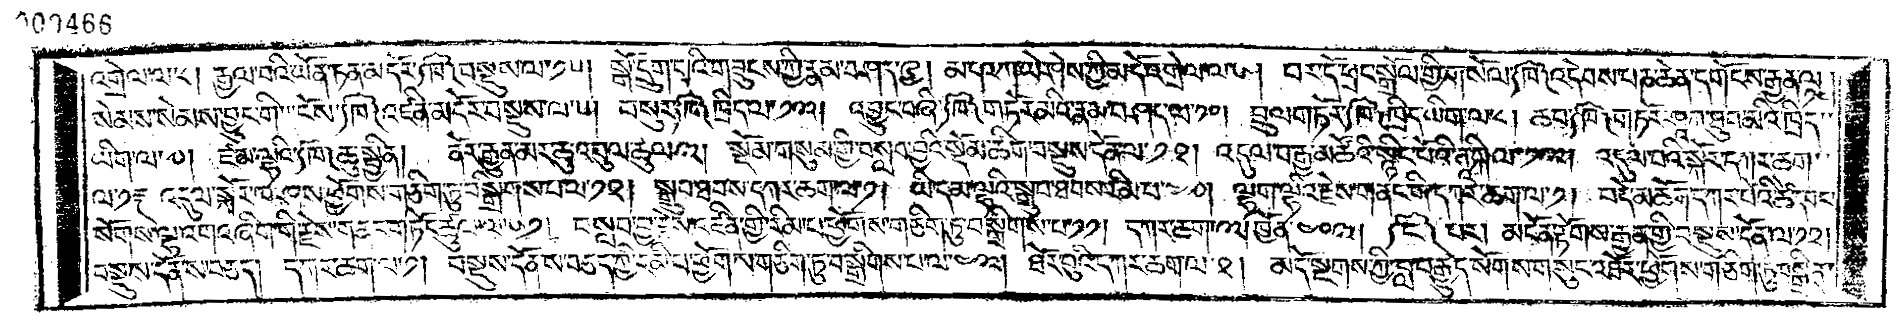འགྲེལ་ལ ༨། རྒྱལ་བའི་ཡོན་ཏན་མདོར ༼ཁ༽ བསྡུས་ལ ༡༥། སྒོ་དྲུག་པའི་གཟུངས་ཀྱི་རྣམ་བཤད ༩༤། མདའ་ཀ་ཡེ་ཤེས་ཀྱི་མདོ་འགྲེལ་ལ ༦། བར་དེ་ཕ་རང་སྒྲོལ་གྱི་གསོལ ༼ཁ༽ བདེབས་པན་ཆེན་དགོངས་རྒྱན་ལ ༡༤
སེམས་སེམས་བྱུང་གི་ངོས ༼ཁ༽ འཛིན་མདོར་བསྡུས་པ ༥། བསུར ༼ཁ༽ ཁྲིད་ལ ༡༣། འབྱུང་བཞི ༼ཁ༽ མགོར་མའི་རྣམ་བཤད་ལ ༡༠། བྲུལ་གཏོར ༼ཁ༽ ཁྲིད་ཡིག་ལ ༨། ཆབ ༼ཁ༽ གཏོར་ཤཱཀ་ཐུབ་མའི་ཁྲིད་
ཡིག་ལ ༧། ཛམ་ལྷའི ༼ཁ༽ ཆུ་སྦྱིན། ནོར་རྒྱུན་མར་ཆུ་འབུལ་ཚུལ ༣། སྡོམ་གསུམ་གྱི་བླབས་བྱའི་སྡོམ་ཚིག་བསྡུད་དོན་ལ ༡༢། འདུལ་བ་རྒྱ་མཚོའི་སྙིང་པོའི་ཏའྐཀིལ ༡༣། འདུལ་བའི་སྐོར་དཀར་ཆག་
ལ༡༑ འདུལ་སྐོར་ཁ་ཤས་ཕྱོགས་གཅིག་ཏུ་བསྒྲིགས་པ་ལ ༡༢། སྒྲུབ་ཐབས་དཀར་ཆག་ལ ༡། ཡི་དམ་ལྷའི་སྒྲུབ་ཐབས་རིམ་པ ༤༧། ལྷག་ལྷའི་རྗེས་གནང་གི་དཀར་ཆག་ལ ༡། བདེ་མཆོག་དཀར་པོའི་ཚེ་དབང་
སོགས་ལྷ་འགའ་ཞིག་གི་རྗེས་གནང་གཏོང་ཚུལ་ལ ༦༡། བསླབ་བྱ་རྗེས་འཛིན་གྱི་རིམ་པ་ཕྱོགས་གཅིག་ཏུ་བསྒྲིགས་པ ༡༡། དཀར་ཆག ༣། ཁྱོན ༤༠༣། ༼ང༽ པར། མངོན་རྟོགས་རྒྱུན་གྱི་བསྡུད་དོན་ལ ༡༢།
བསྡུས་དོན་ས་བཅད། དཀར་ཆག་ལ ༡། བསྡུས་དོན་ས་བཅད་ཀྱི་རིམ་པ་ཕྱོགས་གཅིག་ཏུ་བསྒྲིགས་པ་ལ ༤༣། ཐོར་བུའི་དཀར་ཆག་ལ ༢། མདོ་སྔགས་ཀྱི་བླ་བརྒྱུད་སོགས་གསུང་འཐོར་ཕྱོགས་གཅིག་ཏུ་བསྒྲིཌ་